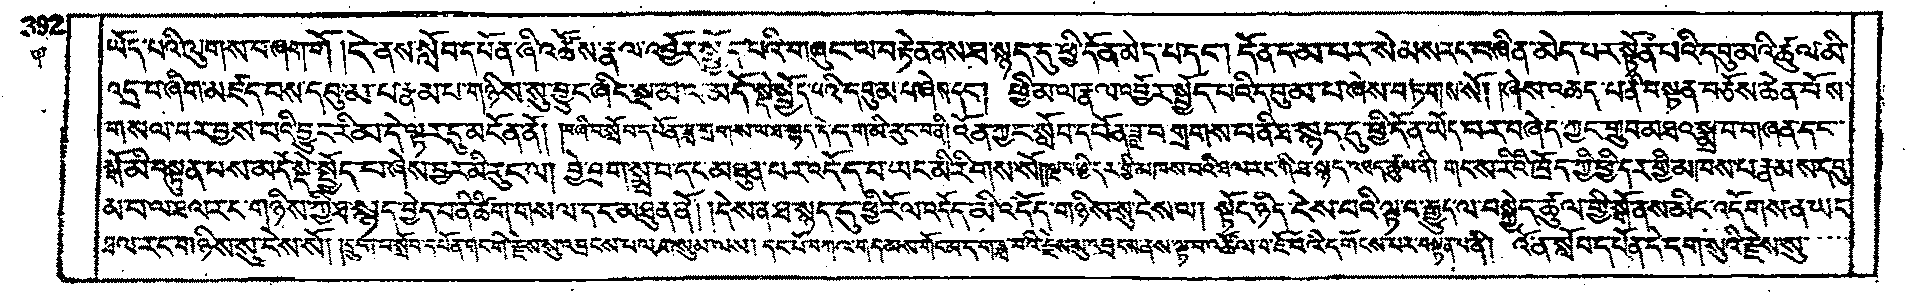ཡོད་པའི་ལུགས་བཞག་གོ །དེ་ནས་སློབ་དཔོན་ཞི་འཚོས་རྣལ་འབྱོར་སྤྱོད་པའི་གཞུང་ལ་བརྟེན་ནས་ཐ་སྙད་དུ་ཕྱི་དོན་མེད་པ་དང་། དོན་དམ་པར་སེམས་རང་བཞིན་མེད་པར་སྟོན་པའི་དབུ་མའི་ཚུལ་མི་
འདྲ་བ་ཞིག་མཛད་པས་དབུ་མ་པ་རྣམ་པ་གཉིས་སུ་བྱུང་ཞིང་སྔ་མ་ལ་མདོ་སྡེ་སྤྱོད་པའི་དབུ་མ་པ་ཞེས་དང་། ཕྱི་མ་ལ་རྣལ་འབྱོར་སྤྱོད་པའི་དབུ་མ་པ་ཞེས་བཏགས་སོ། །ཞེས་འཆད་པ་ནི་བསྟན་བཅོས་ཆེན་པོས་
གསལ་བར་བྱས་པའི་བྱུང་རིམ་དེ་ལྟར་དུ་མངོན་ནོ། །བཞི་པ་སློབ་དཔོན་ཟླ་གྲགས་ལ་ཐ་སྙད་དེ་དག་མི་རུང་བ་ནི།  འོན་ཀྱང་སློབ་དཔོན་ཟླ་བ་གྲགས་པ་ནི་ཐ་སྙད་དུ་ཕྱི་དོན་ཡོད་པར་བཞེད་ཀྱང་གྲུབ་མཐའ་སྨྲ་བ་གཞན་དང་
སྒོ་མི་བསྟུན་པས་མདོ་སྡེ་སྤྱོད་པ་ཞེས་བྱར་མི་རུང་ལ། བྱེ་བྲག་སྨྲ་བ་དང་མཐུན་པར་འདོད་པ་ཡང་མི་རིགས་སོ། །ལྔ་པ་ཕྱི་དར་གྱི་མཁས་པའི་ཐལ་རང་གི་ཐ་སྙད་འཐད་ཚུལ་ནི།  གངས་རིའི་ཁྲོད་ཀྱི་ཕྱི་དར་གྱི་མཁས་པ་རྣམས་དབུ་
མ་བ་ལ་ཐལ་རང་གཉིས་ཀྱི་ཐ་སྙད་བྱེད་པ་ནི་ཚིག་གསལ་དང་མཐུན་ནོ། །དེས་ན་ཐ་སྙད་དུ་ཕྱི་རོལ་འདོད་མི་འདོད་གཉིས་སུ་ངེས་ལ། སྟོང་ཉིད་ངེས་པའི་ལྟ་བ་རྒྱུད་ལ་བསྐྱེད་ཚུལ་གྱི་སྒོ་ནས་མིང་འདོགས་ན་ཡང་
ཐལ་རང་གཉིས་སུ་ངེས་སོ། །དྲུག་པ་སློབ་དཔོན་གང་གི་རྗེས་སུ་འབྲངས་པ་ལ་གསུམ་ལས།  དང་པོ་བཀའ་གདམས་གོང་མ་དག་ཟླ་བའི་རྗེས་སུ་འབྲངས་ནས་ལྟ་བ་འཚོལ་བ་ཇོ་བོའི་དགོངས་པར་བསྟན་པ་ནི། འོ་ན་སློབ་དཔོན་དེ་དག་སུའི་རྗེས་སུ་